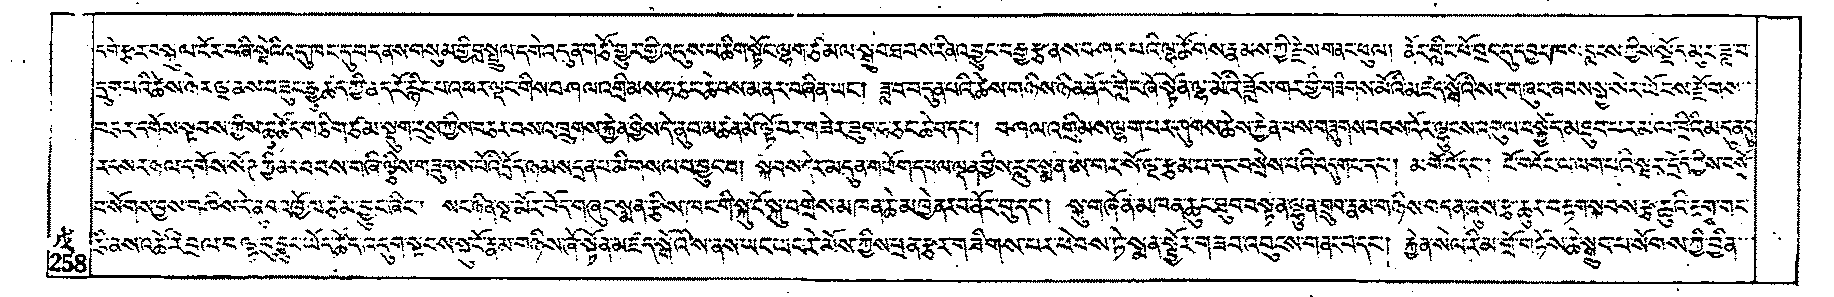དགེ་རྩར་བསྐུལ་ངོར་བཞི་སྡེའི་འདུ་ཁང་དུ་གདན་ས་གསུམ་གྱི་བླ་སྤྲུལ་དགེ་འདུན་གཙོ་གྱུར་གྱི་འདུས་པ་ཆིག་སྟོང་ལྷག་ཙམ་ལ་སྒྲུབ་ཐབས་རིན་འབྱུང་བརྒྱ་རྩ་ནས་བཤད་པའི་ལྷ་ཚོགས་རྣམས་ཀྱི་རྗེས་གནང་ཕུལ། ནོར་གླིང་ཕོ་བྲང་དུ་དབྱར་ཁས་བླངས་ཀྱིས་སྡོད་མུར་ཟླ་བ་
དྲུག་པའི་ཚེས་ཉེར་ལྔ་ནས་བཟུང་རྒྱུ་ཚད་ཀྱི་ནད་རོ་རྙིང་པ་འཕར་ལྡང་གིས་བཤལ་འགྲིམས་ཧ་ཅང་ཆེ་བས་མནར་བཞིན་ཡང་། ཟླ་བ་བདུན་པའི་ཚེས་གཉིས་ཉིན་ནོར་གླིང་ཞོ་སྟོན་ལྷ་མོའི་ཟློས་གར་གྱི་གཟིགས་མོའི་མཛད་སྒོའི་སར་གཞུང་ཞབས་སྐྱ་སེར་ཡོངས་རྫོགས་
བཅར་དགོས་སྟབས་ཀྱིས་ཆུ་ཚོད་གཅིག་ཙམ་སྡུག་རུས་ཀྱིས་བཅར་བས་འཁྲུགས་རྐྱེན་གྱིས་དེ་ནུབ་མཚན་མོ་ལྟོ་བར་གཟེར་ཟུག་ཧ་ཅང་ཆེ་བ་དང་། བཤལ་འགྲིམས་ལྷག་པར་ཤུགས་ཆེས་རྐྱེན་པས་གཟུགས་བབས་འོར་ལྷུངས་འགུལ་བསྐྱོད་མ་ཐུབ་པར་མལ་ཁྲིའི་མདུན་དུ་
རང་སར་ཉལ་དགོས་སོགས་ཀྱི་ནད་བབས་གཞི་ལྕིས་གཟུགས་པོའི་དྲོད་ཉམས་དྲན་པ་མི་གསལ་བ་བྱུང་བ། སྐབས་དེར་མདུན་གཡོག་དཔལ་ལྡན་གྱིས་རླུང་སྨན་ཨ་གར་སོ་ལྔ་རྩམ་པ་དང་བསྲེས་པའི་འདུག་པ་དང་། མགོ་བོ་དང་། ངོ་གདོང་ལ་ལག་པའི་སྦར་དྲོད་ཀྱིས་བསྲོ་
བ་སོགས་བྱས་གཤིས་དེ་ནུབ་འཁྱོལ་ཙམ་བྱུང་ཞིང་། སང་ཉིན་སྔ་མོར་བོད་གཞུང་སྨན་རྩིས་ཁང་གི་སྐུ་ངོ་སྐུ་བགྲེས་མཁན་ཆེ་མཁྱེན་རབ་ནོར་བུ་དང་། སྐུ་གཞོན་མཁན་ཆུང་ཐུབ་བསྟན་ལྷུན་གྲུབ་རྣམ་གཉིས་གདན་ཞུས་རྩ་ཆུར་བརྟག་སྐབས་རྩ་ཆུའི་རྟགས་གང་
ཅི་ནས་འཚོ་རེ་བྲལ་བ་ལྟ་བུ་བྱུང་ཡོད་ཚོད་འདུག་སྟབས་སྐུ་ངོ་རྣམ་གཉིས་ཞོ་སྟོན་མཛད་སྒོའི་ས་ནས་ཡང་ཡང་རེ་མོས་ཀྱིས་ཕྲན་རྩར་གཟིགས་པར་ཕེབས་ཏེ་སྨན་སྦྱོར་གཟབ་འབུངས་གནང་བ་དང་། རྐྱེན་སེལ་རིམ་གྲོ་གཏོས་ཆེ་སྒྲུབ་པ་སོགས་ཀྱི་བྱིན་